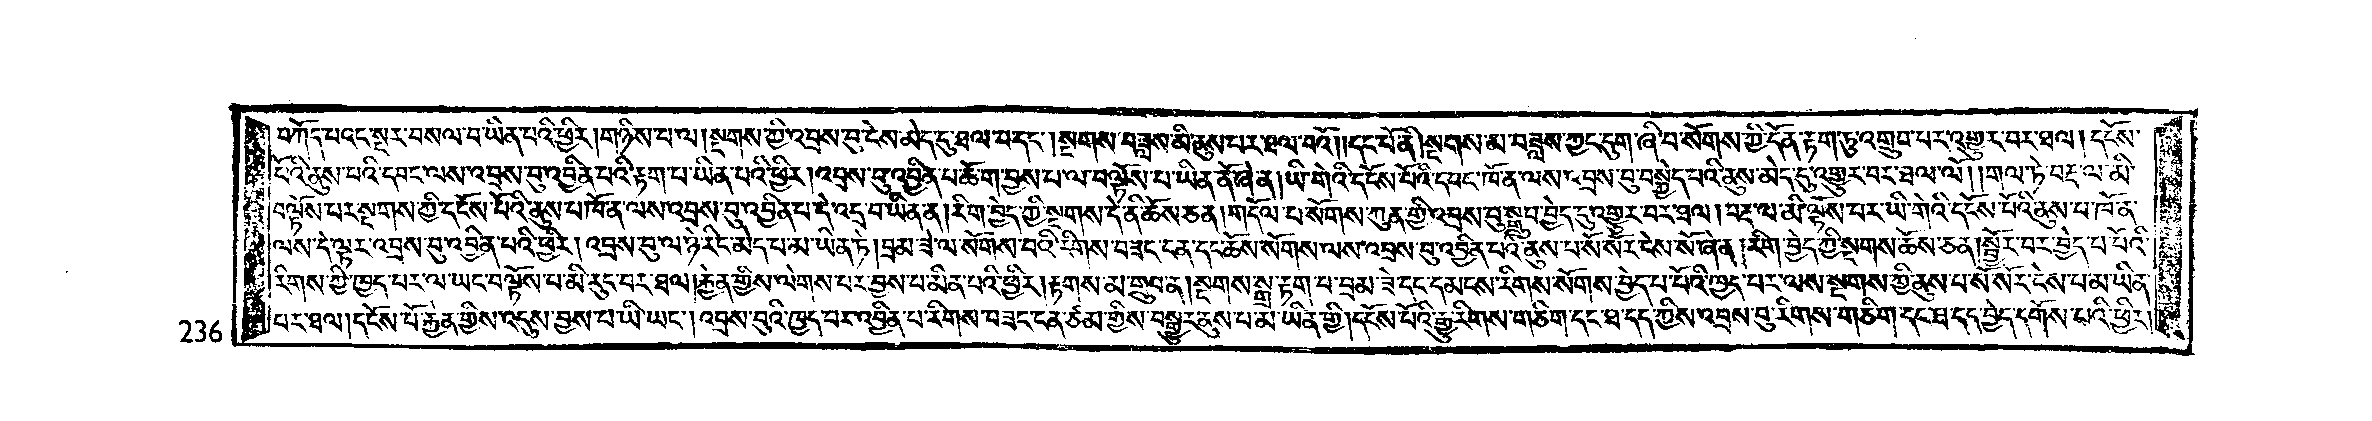བཀོད་པའང་སྔར་བསལ་བ་ཡིན་པའི་ཕྱིར། གཉིས་པ་ལ། སྔགས་ཀྱི་འབྲས་བུ་དེས་མེད་དུ་ཐལ་བ་དང་། སྔགས་བཟླས་མི་ནུས་པར་ཐལ་བའོ། །དང་པོ་ནི། སྔགས་མ་བཟླས་ཀྱང་དུག་ཞི་བ་སོགས་ཀྱི་དོན་རྟག་ཏུ་འགྲུབ་པར་འགྱུར་བར་ཐལ། དངོས་
པོའི་ནུས་པའི་དབང་ལས་འབྲས་བུ་འབྱིན་པའི་རྟག་པ་ཡིན་པའི་ཕྱིར། འབྲས་བུ་འབྱིན་པ་ཆོ་ག་བྱས་པ་ལ་བལྟོས་པ་ཡིན་ནོ་ཞེ་ན། ཡི་གེའི་དངོས་པོའི་དབང་ཁོ་ན་ལས་འབྲས་བུ་བསྐྱེད་པའི་ནུས་མེད་དུ་འགྱུར་བར་ཐལ་ལོ། །གལ་ཏེ་བརྡ་ལ་མི་
བལྟོས་པར་སྔགས་ཀྱི་དངོས་པོའི་ནུས་པ་ཁོ་ན་ལས་འབྲས་བུ་འབྱིན་པ་དེ་འདྲ་བ་ཡིན་ན། རིག་བྱེད་ཀྱི་སྔགས་དེ་ནི་ཆོས་ཅན། གདོལ་པ་སོགས་ཀུན་གྱི་འབྲས་བུ་སྒྲུབ་བྱེད་དུ་འགྱུར་བར་ཐལ། བརྡ་ལ་མི་ལྟོས་པར་ཡི་གེའི་དངོས་པོའི་ནུས་པ་ཁོ་ན་
ལས་དེ་ལྟར་འབྲས་བུ་འབྱིན་པའི་ཕྱིར། འབྲས་བུ་ལ་ཉེ་རིང་མེད་པ་མ་ཡིན་ཏེ། བྲམ་ཟེ་ལ་སོགས་པའི་རིགས་བཟང་ངན་དང་ཆོས་སོགས་ལས་འབྲས་བུ་འབྱིན་པའི་ནུས་པ་སོ་སོར་ངེས་སོ་ཞེ་ན། རིག་བྱེད་ཀྱི་སྔགས་ཆོས་ཅན། སྦྱོར་བར་བྱེད་པ་པོའི་
རིགས་ཀྱི་ཁྱད་པར་ལ་ཡང་བལྟོས་པ་མི་རུང་བར་ཐལ། རྐྱེན་གྱིས་ལེགས་པར་བྱས་པ་མིན་པའི་ཕྱིར། རྟགས་མ་གྲུབ་ན། སྔགས་སྒྲ་རྟག་པ་བྲམ་ཟེ་དང་དམངས་རིགས་སོགས་བྱེད་པ་པོའི་ཁྱད་པར་ལས་སྔགས་ཀྱི་ནུས་པ་སོ་སོར་ངེས་པ་མ་ཡིན་
པར་ཐལ། དངོས་པོ་རྐྱེན་གྱིས་འདུས་བྱས་པ་ཡི་ཡང་། འབྲས་བུའི་ཁྱད་པར་འབྱིན་པ་རིགས་བཟང་ངན་ཙམ་གྱིས་བསྒྱུར་ནུས་པ་མ་ཡིན་གྱི། དངོས་པོའི་རྒྱུ་རིགས་གཅིག་དང་ཐ་དད་ཀྱིས་འབྲས་བུ་རིགས་གཅིག་དང་ཐ་དད་བྱེད་དགོས་པའི་ཕྱིར།